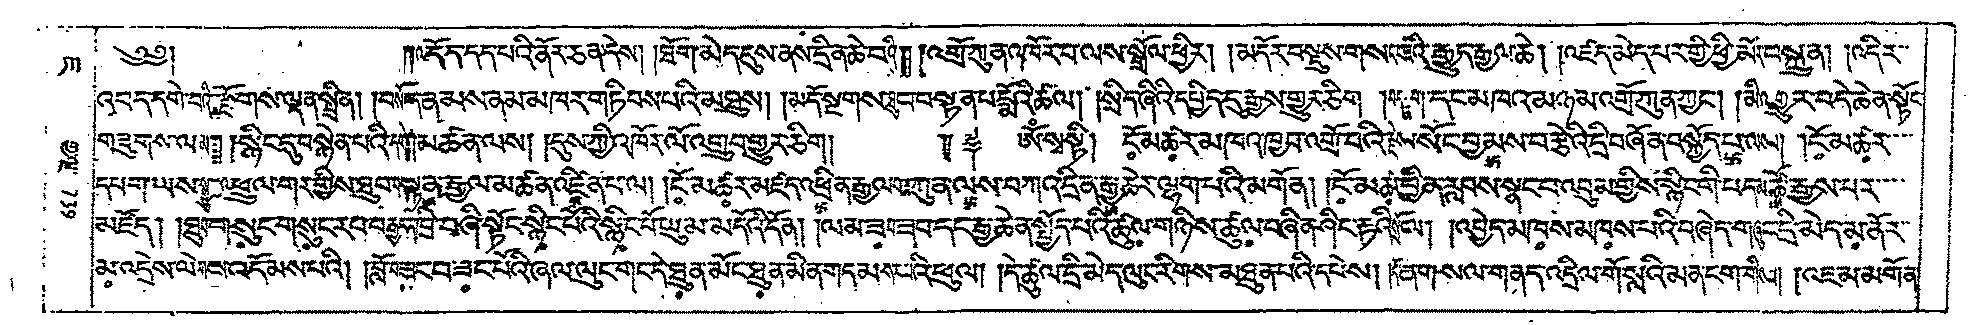༄༅། །འདོད་དད་པའི་ནོར་ཅན་དེས། །ཐོག་མེད་དུས་ནས་དྲིན་ཆེ་བའི། །འགྲོ་ཀུན་འཁོར་བ་ལས་སྒྲོལ་ཕྱིར། །མདོར་བསྡུས་གསང་བའི་རྒྱུད་རྒྱལ་ཆེ། །འཛད་མེད་པར་གྱི་ཕྱི་མོར་བསྐྲུན། །འདིར་
འབད་དགེ་བའི་རྫོགས་ལྡན་སྤྲིན། །བསོད་ནམས་ནམ་མཁར་གཏིབས་པའི་མཐུས། །མདོ་སྔགས་ཐུབ་བསྟན་པདམོའི་ཚལ། །སྲིད་ཞིའི་དཔྱིད་དུ་རྒྱས་གྱུར་ཅིག །བདག་དང་མཁའ྾་མཉམ་འགྲོ་ཀུན་ཀྱང་། །མི་འགྱུར་བདེ་ཆེན་སྟོང་
གཟུགས་ལམ། །སྙིང་དུ་བསྙེན་པའི་དགེ་མཚན་ལས། །དུས་ཀྱི་འཁོར་ལོ་འགྲུབ་གྱུར་ཅིག ། །།༈ ཨོཾ་སྭ་སྟི། །ངོ྾་མཚར྾་མཁའ་ཁྱབ་འགྲོ་བའི་རྗེས་སོང་བྱམས~྾་བརྩེའི་དྲི་བཞོན་བསྐྱོད་པ~྾་ལས། །ངོ྾་མཚར྾་
དཔག་ཡས་སྒྱུ་འཕྲུལ་གར་གྱིས་ཐུབ་བསྟན~྾་རྒྱལ་མཚན་འཛིན~྾་པ་ལ། །ངོ྾་མཚར྾་མཛད་འཕྲིན~྾་རྒྱལ་བ་ཀུན་ལས~྾་བཀའ་དྲིན་རྒྱ~྾་ཆེར་ལྷག་པའི་མགོན། །ངོ྾་མཚར་བྱིན་རླབས་སྣང་བ་འབུམ་གྱིས་སྙིང་གི་པད་མཚོ྾་རྒྱས་པར་
མཛོད། །ཐུབ་གསུང྾་གསུང྾་རབ་བརྒྱད་ཁྲི་བཞི་སྟོང་སྙིང྾་པོའི་སྙིང྾་པོ་ཡུམ་མདོའི་དོན། །ལམ་ཟབ྾་ཟབ྾་དང་རྒྱ་ཆེན་སྤྱོད་པའི་ཚུལ྾་གཉིས་ཚུལ྾་བཞིན་ཤིང་རྟའི་སྲོལ། །འབྱེད་མཁས྾་མཁས྾་པའི་བཞེད་གཞུང་དྲི་མེད་མ྾་ནོར་
མ྾་འདྲེས་ལེགས་འདོམས་པའི། །བློ་བཟང྾་པོའི་ཞལ་ལུང་གང་དེ་ཐུན྾་མོང་ཐུན྾་མིན་གདམས་པའི་ཕུལ། །དེ་ཚུལ་དྲི་མེད་ལུང་རིགས་མཐུན་པའི་དཔེས། །དོན་གསལ་གནད་འདྲིལ་གོ་སླའི་མན་ངག་གིས། །འཇམ་མགོན་